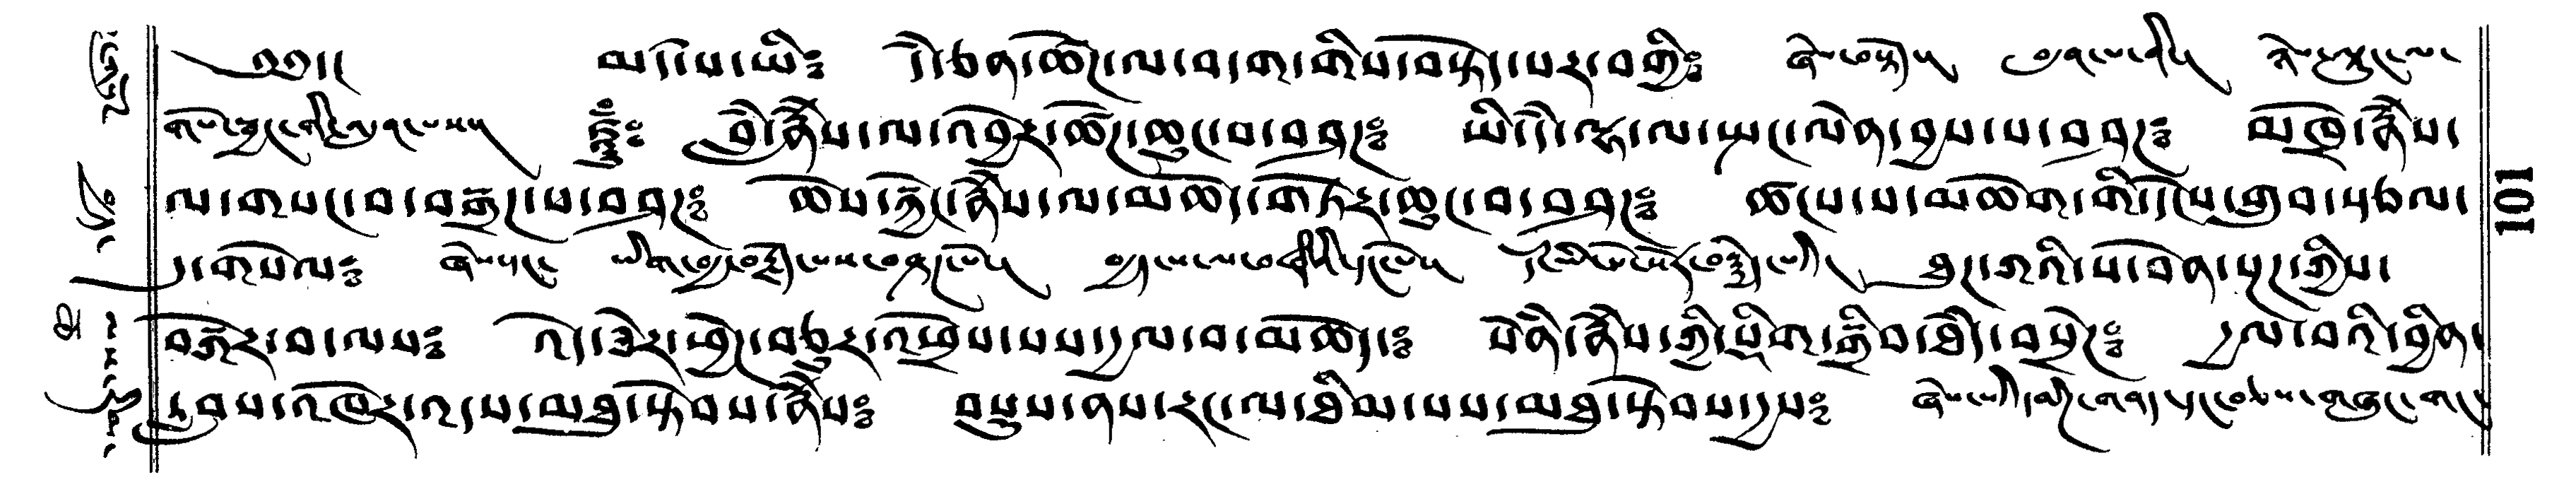མཛད་པ་ཡི༔ དམ་ཅན་ཚོགས་ལ་བདག་གིས་བསྟོད་པར་བགྱི༔ ཞེས་བསྟོད། བདུན་པ་ནི། ཉེས་ལྟུང་ལ་
གསོ་སྦྱོང་གི་འདུན་པས། ཧཱུྃ༔ བླ་མ་རྣམས་ལ་འབྱོར་ཚོགས་ཆུང་བ་བཤགས༔ ཡི་དམ་ལྷ་ལ་སྤོང་ལེན་བྱས་པ་བཤགས༔ མཁའ་འགྲོ་རྣམས་
ལ་གསང་བ་བསྒྲགས་པ་བཤགས༔ ཆོས་སྐྱོང་རྣམས་ལ་མཆོད་གཏོར་ཆུང་བ་བཤགས༔ ཚངས་པ་མཆོག་གི་དངོས་གྲུབ་ལ་སྩལ་
དུ་གསོལ༔ ཞེས་དང་། ཡིག་བརྒྱ་བརྗོད་པས་བཤགས་སོ། བརྒྱད་པ་ལ་བཞིའི་དང་པོ། དམ་ཡེ་སོ་སོར་བསྐྱེད་པའི། ཐུགས་ཀའི་ས་བོན་སྔགས་ཀྱིས་
བསྐོར་བ་ལས༔ འོད་ཟེར་ཕྱོགས་བཅུར་འཕྲོས་པས་རྒྱལ་བ་མཆོད༔ སེམས་ཅན་རྣམས་ཀྱི་སྡིག་སྒྲིབ་ཐམས་ཅད་བསྲེགས༔ རྒྱལ་བའི་བྱིན་
རླབས་འཁོར་འདས་མཐུ་སྟོབས་རྣམས༔ བསྡུས་ནས་རང་ལ་ཐིམ་པས་མཐུ་སྟོབས་རྒྱས༔ ཞེས་པའི་དམིགས་གནད་དང་བཅས་གཞུང་གང་